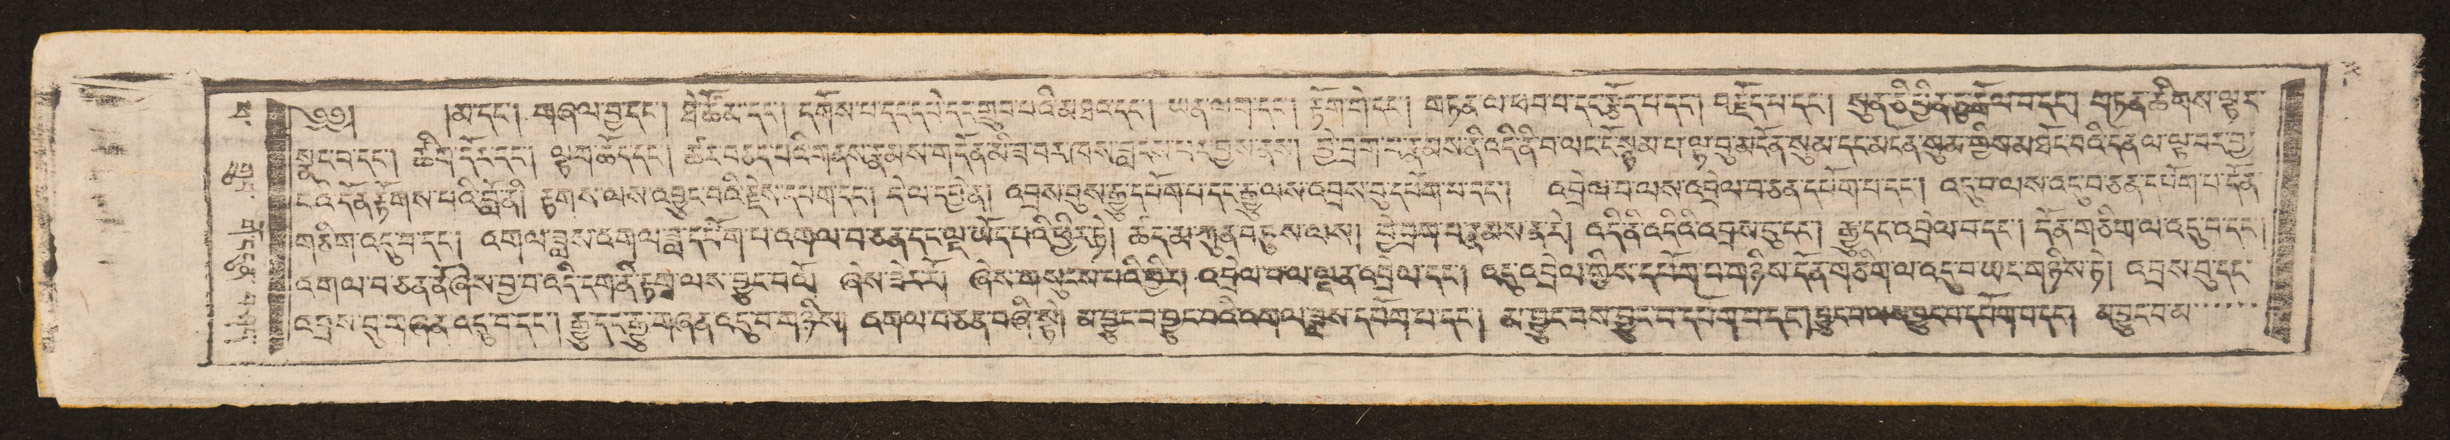༄༅། །མ་དང་། །གཞལ་བྱ་དང་། ཐེ་ཚོམ་དང་། དགོས་པ་དང་དཔེ་དང་གྲུབ་པའི་མཐའ་དང་། །ཡན་ལག་དང་། །རྟོག་གེ་དང་། །གཏན་ལ་ཕབ་པ་དང་རྩོད་པ་དང་། བརྗོད་པ་དང་། །སུན་ཅི་ཕྱིན་ཏུ་རྒོལ་བ་དང་། །གཏན་ཚིགས་ལྟར་
སྣང་བ་དང་། །ཚིག་དོར་དང་། །ལྟག་ཆོད་དང་། །ཚད་བཅད་པའི་གནས་རྣམས་གདོན་མི་ཟ་བར་ཁས་བླངས་པར་བྱས་ནས། །བྱེ་བྲག་པ་རྣམས་ནི་འདི་ནི་བ་ལང་ངོ་སྙམ་པ་ལྟ་བུ་མངོན་སུམ་དང་མངོན་སུམ་གྱིས་མཐོང་བའི་དོན་ལ་ལྟ་བར་བྱ་
བའི་དོན་རྟོགས་པའི་བློ་ནི། །རྟགས་ལས་འབྱུང་བའི་རྗེས་དཔག་དང་། །དེ་ལ་དབྱེ་ན། །འབྲས་བུས་རྒྱུ་དཔོག་པ་དང་རྒྱུ་ལས་འབྲས་བུ་དཔོག་པ་དང་། །འབྲེལ་པ་ལས་འབྲེལ་བ་ཅན་ད་འོག་པ་དང་། །འདུ་བ་ལས་འདུ་བ་ཅན་དཔོག་པ་དོན་
གཅིག་འདུ་བ་དང་། །འགལ་ཟླས་འགལ་ཟླ་དཔོག་པ་འགལ་བ་ཅན་དང་ལྔ་ཡོད་པའི་ཕྱིར་ཏེ། །ཚད་མ་ཀུན་བཏུས་ལས། །བྱེ་བྲག་པ་རྣམས་ན་རེ། །འདི་ནི་འདིའི་འབྲས་བུ་དང་། །རྒྱུ་དང་འབྲེལ་བ་དང་། །དོན་གཅིག་ལ་འདུ་བ་དང་།
འགལ་བ་ཅན་ནོ་ཞེས་བྱ་བ་འདི་དག་ནི་རྟགས་ལས་བྱུང་བའོ། །ཞེས་ཟེར་རོ། །ཞེས་གསུངས་པའི་ཕྱིར། །འབྲེལ་བ་ལ་ལྡན་འབྲེལ་དང་། །འདུ་འབྲེལ་གྱིས་དཔོག་པ་གཉིས་དོན་གཅིག་ལ་འདུ་བ་ཡང་གཉིས་ཏེ། །འབྲས་བུ་དང་
འབྲས་བུ་གཞན་འདུ་བ་དང་། རྒྱུ་དང་རྒྱུ་གཞན་འདུ་བ་གཉིས། །འགལ་བ་ཅན་བཞི་སྟེ། །མ་བྱུང་བ་བྱུང་བའི་འགལ་ཟླས་དཔོག་པ་དང་། །མ་བྱུང་བས་བྱུང་བ་དཔོག་པ་དང་། བྱུང་བ་ལས་བྱུང་བ་དཔོག་པ་དང་། །མ་བྱུང་བ་མ་